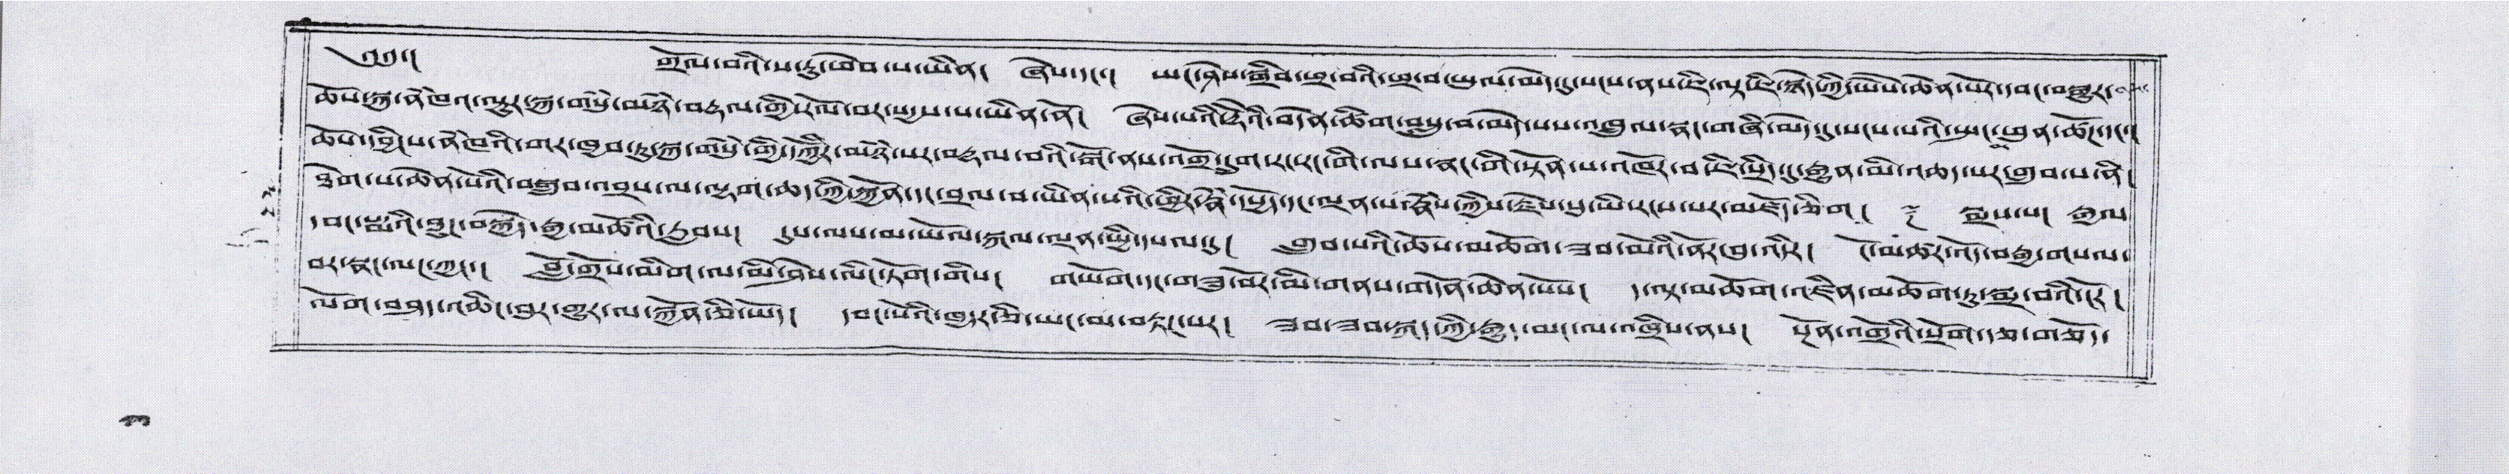གྲོལ་བའི་ས་རུ་ཕེབ་པ་ཡིན། ཞེས་དང། ཡང་ཤེས་སྒྲིབ་ཕྲ་བའི་ཕྲ་བ་ཡུལ་མེད་དུ་སངས་ནས་ཇི་ལྟ་ཇི་སྙེད་ཀྱི་ཡེ་ཤེས་ཆེན་པོར་དབང་བསྒྱུར་བས་
ཆོས་སྐུ་ནམ་མཁའ་ལྟ་བུར་སྐུ་གསུམ་མཉམ་བརྡལ་གྱི་རོལ་བར་སངས་རྒྱས་པ་ཡིན་ནོ། ཞེས་པའི་རྡོ་རྗེའི་བདེན་ཚིག་བསླུ་བ་མེད་པས་འཁྲུལ་སྣང་གཞི་མེད་དུ་སངས་པའི་སྤང་པ་ཕུན་ཚོགས་དང། 
ཆོས་དབྱིངས་ནམ་མཁའི་གར་ཁྱབ་ཏུ་སྐུ་གསུམ་གྱི་དཀྱིལ་འཁོར་མཉམ་པར་བརྡལ་བའི་སྒོ་ནས་འགྲོ་དྲུག་རང་རང་གི་ལས་སྣང་གི་སྟོན་པ་འཁོར་བ་ཇི་སྲིད་དུ་རྒྱུན་མི་འཆད་པར་གྲུབ་པ་ནི། 
ཐེག་པ་ཆེན་པོའི་བསྒྲུབ་འབྲས་ལ་ལྷག་ཆད་ཀྱི་སྐྱོན་དང་བྲལ་བ་ཡིན་པའི་ཕྱིར་རྣམ་དཔྱོད་དང་ལྡན་པ་རྣམས་ཀྱིས་རྗེས་སུ་ཡི་རངས་པར་མཛོད་ཅིག ༑ སྨྲས་པ། རྒྱལ་
དབང་པདྨའི་ཐུགས་བསྐྱེད་རྒྱ་མཚོའི་རླབས། དུས་ལས་མ་ཡོལ་སྐལ་ལྡན་སྤྱི་དཔལ་ཏུ། གྲུབ་པའི་ཆོས་མཆོག་ཟབ་མོའི་ནོར་བུ་འདིར། ངོ་མཚར་འོད་བརྒྱ་གསལ་
བར་སྣང་ལགས་ཀྱང། བློ་གྲོས་མིག་ལ་མི་ཤེས་ལིང་ཏོག་གིས། གཡོག་དང་གཟུ་བོར་མི་གནས་གདོན་ཆེན་པོས། ད་ལྟ་མཆོག་འཛིན་མཆོག་ཏུ་སྨྲ་བའི་ངོར། 
ལོག་བཤད་འཆིང་བུར་གྱུར་ལ་སྐྱོན་ཅི་ཡིད། དབང་པོའི་ཁྱད་པར་ཅི་ཡང་མ་བརྟགས་པར། ཟབ་ཟབ་སྐད་ཀྱི་རྒྱུད་མང་ལ་འཁྲིས་ནས། སྔོན་འགྲོའི་སྲོག་རྩ་གཅོད་